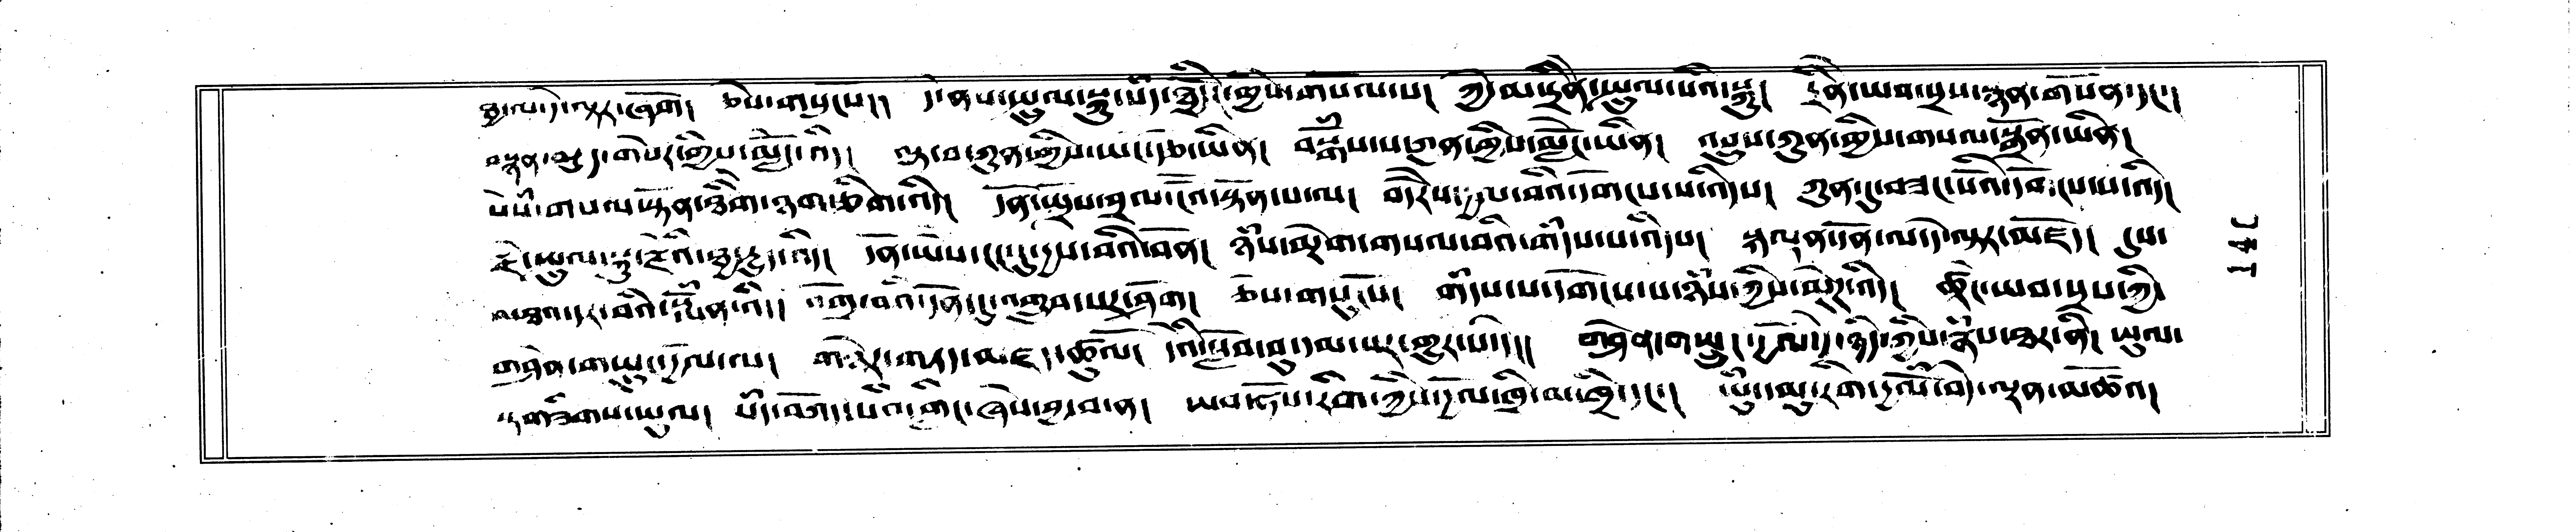ཐུགས་ལ་དེ་ལྟར་ཞོག ཅེས་གསུངས། དེ་ནས་སྤྲུལ་སྐུ་པད་མ་ཐོད་ཕྲེང་གིས་གསོལ་པ། ཀྱེ་མ་དྲིན་ཆེན་སྤྲུལ་པའི་སྐུ། དྲིན་ཆེན་ཡབ་སྲས་སྙན་གསོན་དང་། 
སྙན་རྒྱུད་གསེར་གྱི་མེ་ལོང་འདི། ལྟ་བ་ཀུན་གྱི་ཡང་རྩེ་ཡིན། སྒོམ་པ་ཀུན་གྱི་མེ་ལོང་ཡིན། འབྲས་བུ་ཀུན་གྱི་གསལ་སྒྲོན་ཡིན། 
སེམས་གསལ་སྟོན་ཐིག་ལེ་ཉག་གཅིག་འདི། དོན་སྤྲོས་བྲལ་ངོ་བོ་སྟོན་པ་ལ། བདེར་གཤེགས་རྒྱལ་པའི་དགོངས་པ་འདིས། ཀུན་ཏུ་བཟང་པོའི་དགོངས་པ་འདི། 
རྗེ་སྤྲུལ་སྐུ་རྗེའི་ཐུགས་རྒྱུད་འདི། དོན་ཡེ་ཤེས་ངང་དུ་རྒྱས་པའི་བོན། ཉམས་མན་ངག་གསལ་བའི་གདམས་པ་འདིས། སྐལ་ལྡན་དོན་ལ་དེ་ལྟར་མཛོད། དུས་
མཐའ་དར་བའི་སྨོན་ལམ་འདི། འགྲོ་བའི་དོན་དུ་འགྲུབ་པར་ཤོག །ཅེས་གསུངས་སོ། །གདམས་པ་དགོངས་པ་ཉམས་ཀྱིས་མན་ངག་འདི། ཚེ་དབང་ཡབ་སྲས་ཀྱི་
གཤེན་གཡུང་དྲུང་རྒྱལ་པོ་ལ། གཉེར་གཏད་མཛད་ཚུལ་ལོ། དེའི་སློབ་བུ་དམ་པ་དེ། གཤེན་གཡུང་དྲུང་རྒྱལ་པོ་དེ་ཉིད་ཀྱི་རྣམ་ཐར་ནི། ཡུལ་
སྟག་གཟིག་ཡུལ། པད་མ་བཀོད་པའི་གླིང་ཞེས་བྱ་བ་ན། ཡབ་ཧོས་རིགས་ཀྱི་རྒྱལ་པོ་ཁྲི་མ་ཁྲི་དང་། ཡུམ་དམུ་རིགས་རྒྱལ་མོ་བདེ་ལྡན་མཚོ་